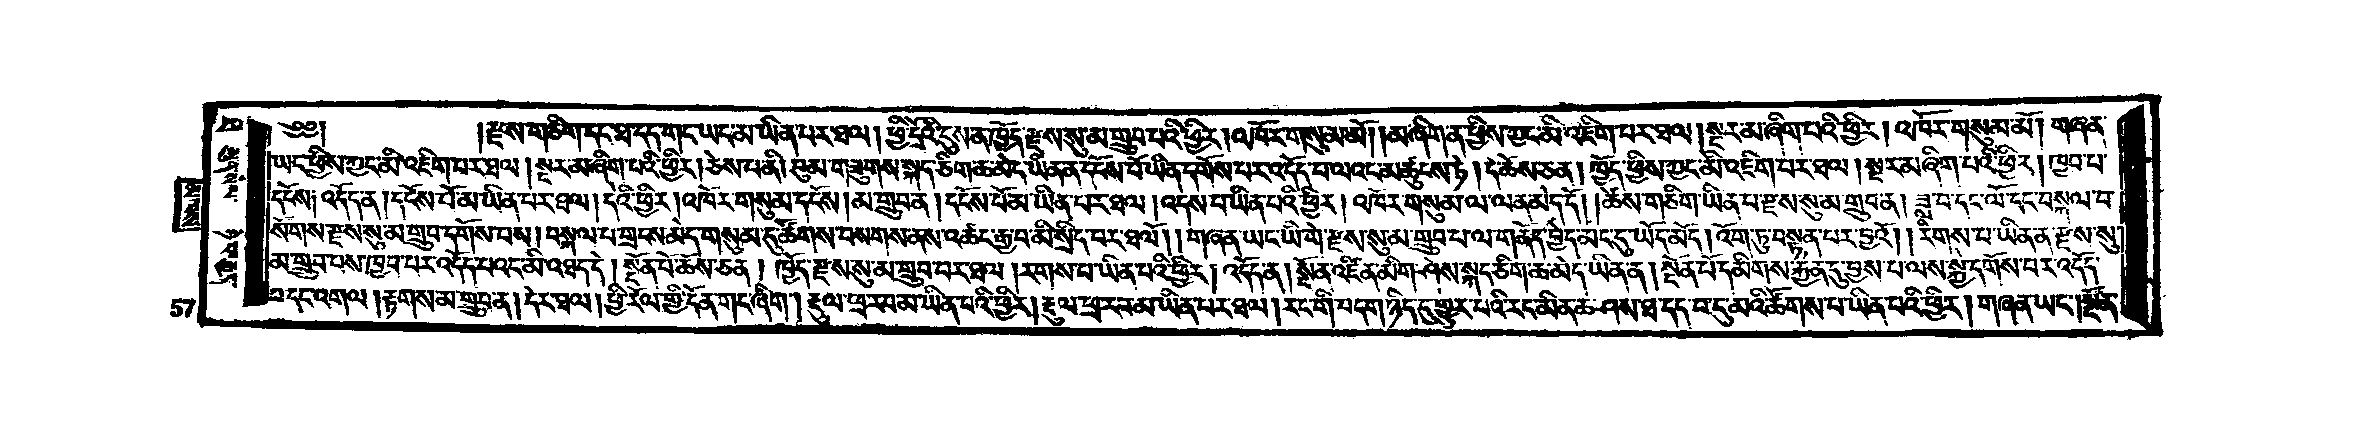༄༅། །རྫས་གཅིག་དང་ཐ་དད་གང་ཡང་མ་ཡིན་པར་ཐལ། ཕྱི་དྲོའི་དུས་ན་ཁྱོད་རྫས་སུ་མ་གྲུབ་པའི་ཕྱིར། འཁོར་གསུམ་མོ། །མ་ཞིག་ན་ཕྱིས་ཀྱང་མི་འཇིག་པར་ཐལ། སྔར་མ་ཞིག་པའི་ཕྱིར། འཁོར་གསུམ་མོ། གཞན་
ཡང་ཕྱིས་ཀྱང་མི་འཇིག་པར་ཐལ། སྔར་མ་ཞིག་པའི་ཕྱིར། ཅེས་པ་ནི། བུམ་གཟུགས་སྐད་ཅིག་ཆ་མེད་ཡིན་ན་དངོས་པོ་ཡིན་དགོས་པར་འདོད་པ་ལའང་མཚུངས་ཏེ། དེ་ཆོས་ཅན། ཁྱོད་ཕྱིས་ཀྱང་མི་འཇིག་པར་ཐལ། སྔར་མ་ཞིག་པའི་ཕྱིར། ཁྱབ་པ་
དངོས། འདོད་ན། དངོས་པོ་མ་ཡིན་པར་ཐལ། དེའི་ཕྱིར། འཁོར་གསུམ་དངོས། མ་གྲུབ་ན། དངོས་པོ་མ་ཡིན་པར་ཐལ། འདས་པ་ཡིན་པའི་ཕྱིར། འཁོར་གསུམ་ལ་ལན་མེད་དོ། །ཚེས་གཅིག་ཡིན་པ་རྫས་སུ་མ་གྲུབ་ན། ཟླ་བ་དང་ལོ་དང་བསྐལ་པ་
སོགས་རྫས་སུ་མ་གྲུབ་དགོས་པས། བསྐལ་པ་གྲངས་མེད་གསུམ་དུ་ཚོགས་བསགས་ནས་འཚང་རྒྱ་བ་མི་སྲིད་པར་ཐལ། །གཞན་ཡང་ཡི་གེ་རྫས་སུ་མ་གྲུབ་པ་ལ་གནོད་བྱེད་མང་དུ་ཡོད་མོད། འོག་ཏུ་བསྟན་པར་བྱའོ། །རགས་པ་ཡིན་ན་རྫས་སུ་
མ་གྲུབ་པས་ཁྱབ་པར་འདོད་པའང་མི་འཐད་དེ། སྔོན་པོ་ཆོས་ཅན། ཁྱོད་རྫས་སུ་མ་གྲུབ་པར་ཐལ། རགས་པ་ཡིན་པའི་ཕྱིར། འདོད་ན། སྔོན་འཛིན་མིག་ཤེས་སྐད་ཅིག་ཆ་མེད་ཡིན་ན། སྔོན་པོ་དམིགས་རྐྱེན་དུ་བྱས་པ་ལས་སྐྱེ་དགོས་པར་འདོད་
པ་དང་འགལ། རྟགས་མ་གྲུབ་ན། དེར་ཐལ། ཕྱི་རོལ་གྱི་དོན་གང་ཞིག །རྡུལ་ཕྲ་རབ་མ་ཡིན་པའི་ཕྱིར། རྡུལ་ཕྲ་རབ་མ་ཡིན་པར་ཐལ། རང་གི་བདག་ཉིད་དུ་གྱུར་པའི་རང་མིན་ཆ་ཤས་ཐ་དད་པ་དུ་མའི་ཚོགས་པ་ཡིན་པའི་ཕྱིར། གཞན་ཡང་། སྔོན་